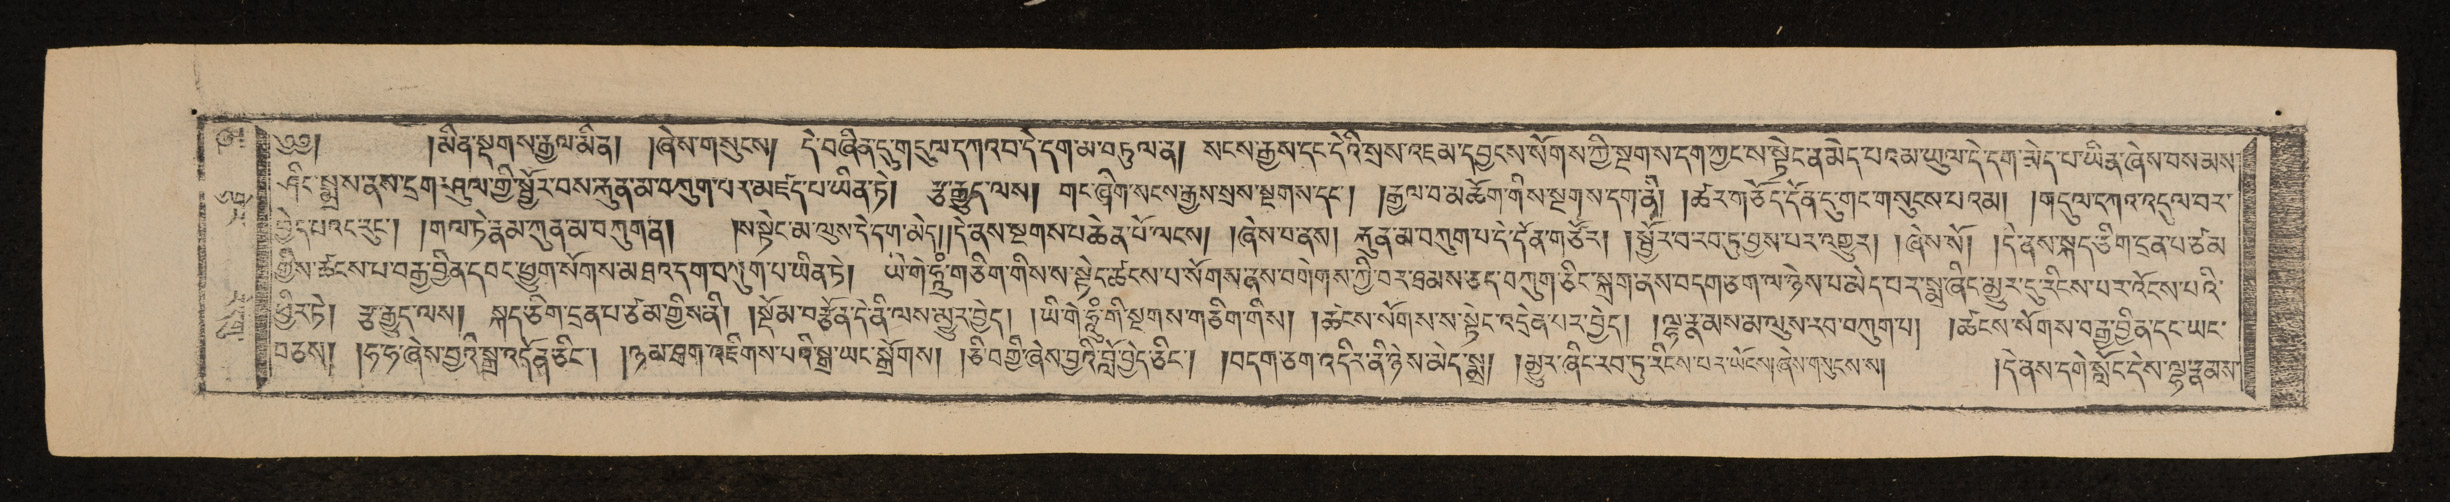༄༅། །མིན་སྔགས་རྒྱལ་མིན། །ཞེས་གསུངས། དེ་བཞིན་དུ་གདུལ་དཀའ་བ་དེ་དག་མ་བཏུལ་ན། སངས་རྒྱས་དང་དེའི་སྲས་འཇམ་དབྱངས་སོགས་ཀྱི་སྔགས་དག་ཀྱང་ས་སྟེང་ན་མེད་པའམ་ཡུལ་དེ་དག་མེད་པ་ཡིན་ཞེས་བསམས་
ཤིང་སྨྲས་ནས་དྲག་ཤུལ་གྱི་སྦྱོར་བས་རྐུན་མ་བཀུག་པར་མཛད་པ་ཡིན་ཏེ། རྩ་རྒྱུད་ལས། གང་ཞིག་སངས་རྒྱས་སྲས་སྔགས་དང་། །རྒྱལ་བ་མཆོག་གིས་སྔགས་དག་ནི། །ཚར་གཅོད་དོན་དུ་གང་གསུངས་པའམ། །གདུལ་དཀའ་འདུལ་བར་
བྱེད་པའང་རུང་། །གལ་ཏེ་རྣམ་ཀུན་མ་བཀུག་ན། །ས་སྟེང་མ་ལུས་དེ་དག་མེད། །དེ་ནས་སྔགས་པ་ཆེན་པོ་ལངས། །ཞེས་པ་ནས། རྐུན་མ་བཀུག་པ་དེ་དོན་གཙོར། །སྦྱོར་བ་རབ་ཏུ་བྱས་པར་འགྱུར། །ཞེས་སོ། །དེ་ནས་སྐད་ཅིག་དྲན་པ་ཙམ་
གྱིས་ཚངས་པ་བརྒྱ་བྱིན་དབང་ཕྱུག་སོགས་མཐའ་དག་བཀུག་པ་ཡིན་ཏེ། ཡི་གེ་ཧཱུཾ་གཅིག་གིས་ས་སྟེང་ཚངས་པ་སོགས་ནས་བགེགས་ཀྱི་བར་ཐམས་ཅད་བཀུག་ཅིང་སྐྲག་ནས་བདག་ཅག་ལ་ཉེས་པ་མེད་པར་སྨྲ་ཞིང་མྱུར་དུ་རིངས་པར་འོངས་པའི་
ཕྱིར་ཏེ། རྩ་རྒྱུད་ལས། སྐད་ཅིག་དྲན་པ་ཙམ་གྱིས་ནི། །སྡོམ་བརྩོན་དེ་ནི་ལས་མྱུར་བྱེད། །ཡི་གེ་ཧཱུཾ་གི་སྔགས་གཅིག་གིས། །ཚངས་སོགས་ས་སྟེང་འདྲེན་པར་བྱེད། །ལྷ་རྣམས་མ་ལུས་རབ་བཀུག་པ། །ཚངས་སོགས་བརྒྱ་བྱིན་དང་ཡང་
བཅས། །ཧ་ཧ་ཞེས་བྱའི་སྒྲ་འདོན་ཅིང་། །ཉམ་ཐག་འཇིགས་པའི་སྒྲ་ཡང་སྒྲོགས། །ཅི་བགྱི་ཞེས་བྱའི་བློ་བྱེད་ཅིང་། །བདག་ཅག་འདིར་ནི་ཉེས་མེད་སྨྲ། །མྱུར་ཞིང་རབ་ཏུ་རིངས་པར་ཡོངས། །ཞེས་གསུངས་སོ། །དེ་ནས་དགེ་སློང་དེས་ལྷ་རྣམས་